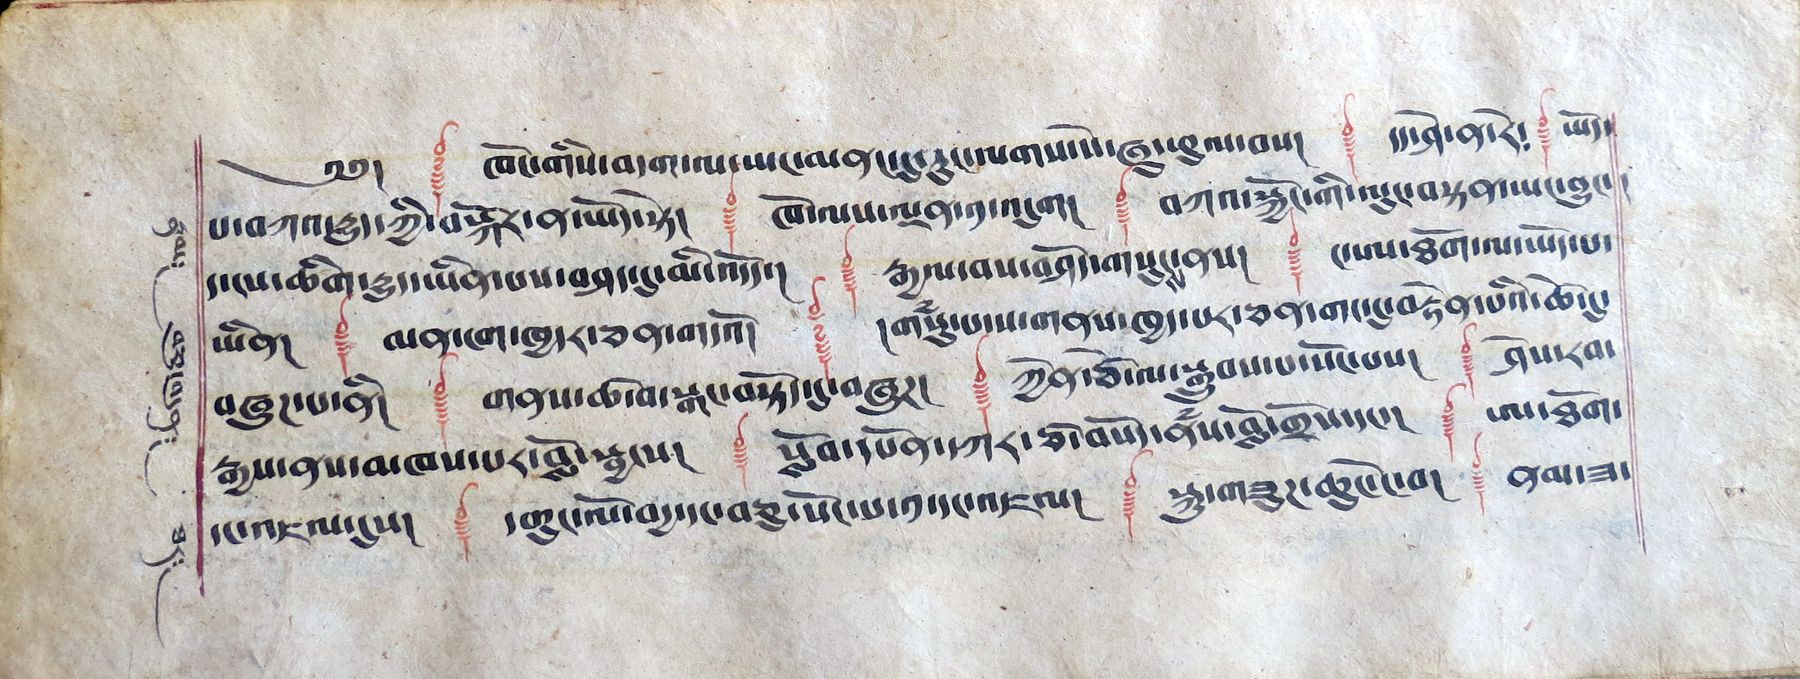ཁོང་གིས་བདག་ལ་ཡང་མན་ངག་གནང་དུ་རུང་ལགས་སམ་ཞུ་བ་ཕུལ་བས། དད་ཤེས་ན་རེ། ཡོད་
པ་བཀའ་རྒྱུད་ཀྱི་སྐོར་ན་ཡོད་དེ། ཁོ་ལས་ལྡན་ཞིག་འདུག བཀའ་སྐྱོང་གིས་ལུང་སྟོན་ཡང་བྱུང་། 
ད་ངས་གཅིག་བརྒྱུད་ཡིན་པས་བཤད་དུ་མི་འདོད་རྒྱལ་བས་ཤོད་གསུངས་ནས། ང་ཨ་ཐོག་ལ་ཡོད་པ་
ཡིན། མན་ངག་ཁྱད་པར་ཅན་གནང་བར་གདའ་འོ། ། གསུམ་པ་ས་གནས་ཁྱད་པར་ཅན་གང་དུ་
བཞུགས་པ་ནི། གནས་ཚ་བ་སྒང་སྟོད་དུ་བཞུགས་། ཀེང་ཙེ་ལ་བསྒྲུབས་པ་སོང་བས་ཤེས་རབ་
རྒྱས་ནས་མཁས་པར་བློ་སྦྱངས། སློབ་དཔོན་ཀར་ཚ་བསོད་ནམས་བློ་གྲོས་ཨ་ཐོག་
དང་མཇལ་དུས། དགུང་ལོ་བརྒྱ་དང་བཅུ་སོང་བ་དང་མཇལ། སྐུ་གཟུགས་ཆུང་ངེ་བ། ན་བཟའ་